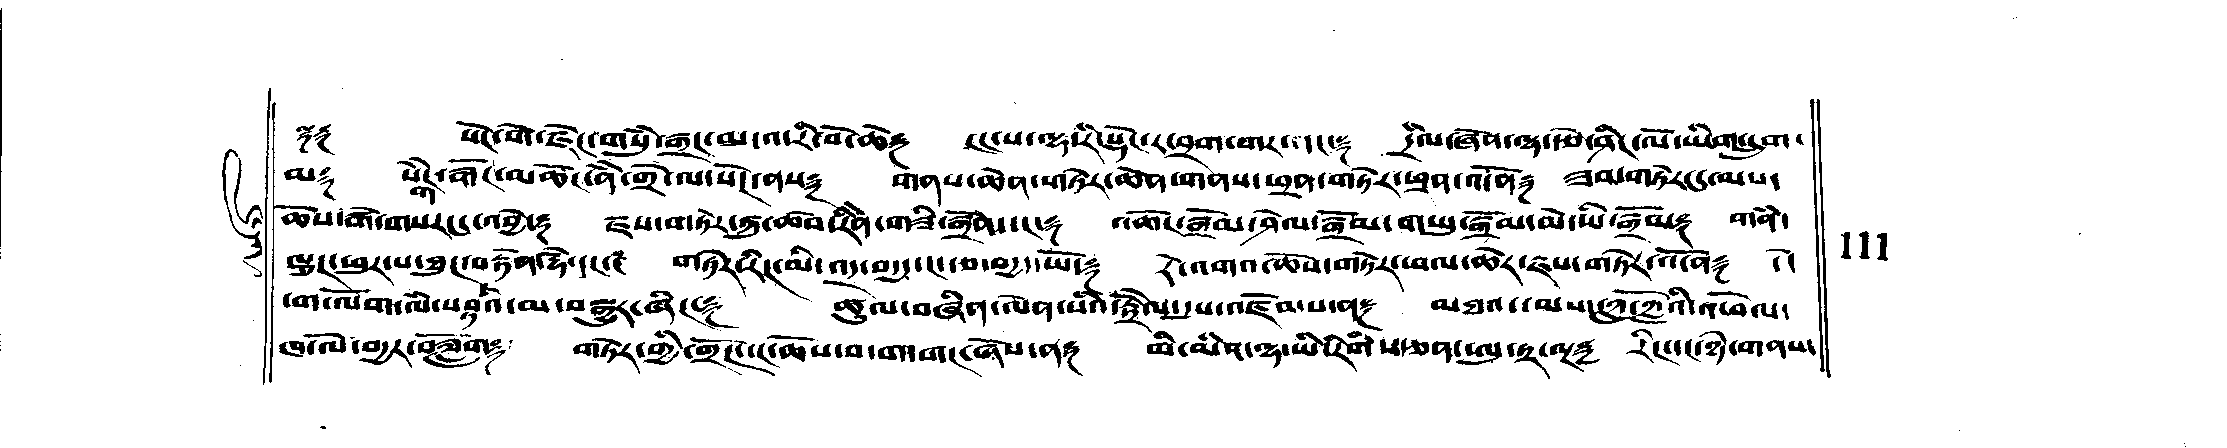།སེང་གེ་རྫོང་གསུམ་སྒྲགས་མདའ་རི་བོ་ཆེ། །ངང་པ་ལྷ་རི་སྡོང་ར་བྲག་དཀར་དང་། །དྲིལ་ཞོན་ལྷ་རྩེ་ཤིང་ལོ་ཡིག་དྲུག་
མ། །སེང་གེ་སྒོང་མཆོང་ནམ་གྲོ་ལ་སོགས་ནས། །གནས་ཆེན་གཏེར་ཆེན་གནས་ཕྲན་གཏེར་ཕྲན་འདོན། །ཟབ་གཏེར་དུ་མས་
ཆོས་སྒོ་གསར་དུ་འབྱེད། །རྫས་གཏེར་སྐུ་ཚབ་རིན་ཆེན་གཟི་སྒྲོམ་དང་། འཆོང་སྒྲོམ་ཤེལ་སྒྲོམ་གཡུ་སྒྲོམ་མེ་ཡི་སྒྲོམ། །གནམ་
ལྕགས་ཕུར་པ་ཐུགས་རྟེན་རྡོ་རྗེ་དང་། །གཏེར་རིགས་མི་འདྲ་བརྒྱ་དང་རྩ་བརྒྱད་ཡོད། །རེ་འགའ་ཆོས་གཏེར་ཕལ་ཆེར་རྫས་གཏེར་འདོན། །དེ་
དག་ལོག་ལམ་སབྟའི་མ་བསྒྱུར་ཞིང་། །ཚུལ་བཞིན་ལེན་པའི་རྟེན་འབྲེལ་དུས་འཛོམས་ན། །མཐའ་མིས་ཀླ་ཀློའི་འཕེལ་
ཁ་ལོ་བརྒྱར་བཟློག །གཏེར་གྱི་གྲོགས་དང་ཆོས་བདག་གང་ཞེ་ན། །མི་མིན་ལྷ་ཡི་རིགས་ཅན་ཨུ་ཏྲ་ལྔ་། །རིགས་དང་ཉེ་གནས་